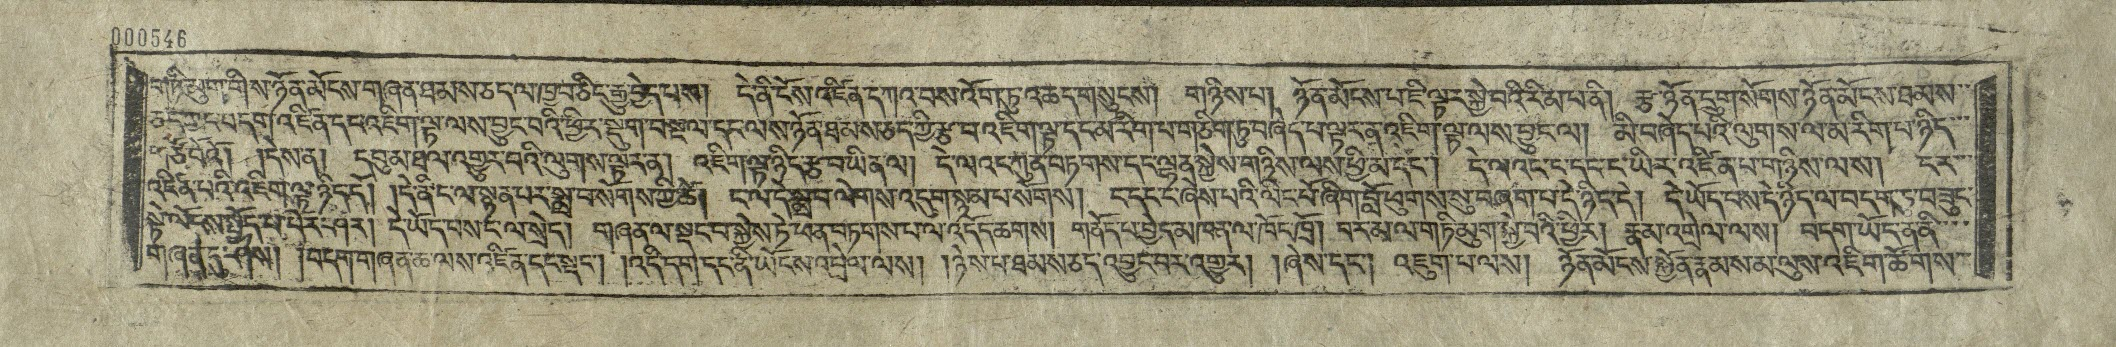གཏི་མུག་གིས་ཉོན་མོངས་གཞན་ཐམས་ཅད་ལ་ཁྱབ་ཅིང་རྒྱུ་བྱེད་པས། དེ་ནི་ངོས་འཛིན་དཀའ་བས་འོག་ཏུ་འཆད་གསུངས། གཉིས་པ། ཉོན་མོངས་པ་ཇི་ལྟར་སྐྱེ་བའི་རིམ་པ་ནི། རྩ་ཉོན་དྲུག་སོགས་ཉོན་མོངས་ཐམས་
ཅད་ཀྱང་བདག་འཛིན་དང་འཇིག་ལྟ་ལས་བྱུང་བའི་ཕྱིར་སྡུག་བསྔལ་དང་ལས་ཉོན་ཐམས་ཅད་ཀྱི་རྩ་བ་འཇིག་ལྟ་དང་མ་རིག་པ་གཅིག་ཏུ་བཞེད་པ་ལྟར་ན་འཇིག་ལྟ་ལས་བྱུང་ལ། མི་བཞེད་པའི་ལུགས་ལ་མ་རིག་པ་ཉིད་
གཙོ་བོའོ། །དེས་ན། དབུ་མ་ཐལ་འགྱུར་བའི་ལུགས་ལྟར་ན། འཇིག་ལྟ་ཉིད་རྩ་བ་ཡིན་ལ། དེ་ལའང་ཀུན་བཏགས་དང་ལྷན་སྐྱེས་གཉིས་ལས་ཕྱི་མ་དང་། དེ་ལའང་ང་དང་ང་ཡིར་འཛིན་པ་གཉིས་ལས། ངར་
འཛིན་པའི་འཇིག་ལྟ་ཉིད་དོ། །དེ་ནི་ང་ལ་སྙན་པར་སྨྲ་བ་སོགས་ཀྱི་ཚེ། ང་ལ་དེ་སྨྲ་བ་ལེགས་འདུག་སྙམ་པ་སོགས། ང་དང་ང་ཞེས་པའི་ལིང་པོ་ཞིག་བློ་ཕུགས་སུ་བཞག་པ་དེ་ཉིད་དེ། དེ་ཡོད་པས་དེ་ཉིད་ལ་བདག་ཏུ་བཟུང་
སྟེ་ལོངས་སྤྱོད་པ་པོར་ཤར། དེ་ཡོད་པས་ང་ལ་སྲེད། གཞན་ལ་སྡང་བ་སྐྱེས་ཏེ་ཕན་བཏགས་པ་ལ་འདོད་ཆགས། གནོད་པ་བྱེད་མཁན་ལ་ཁོང་ཁྲོ། བར་མ་ལ་གཏི་མུག་སྐྱེ་བའི་ཕྱིར། རྣམ་འགྲེལ་ལས། བདག་ཡོད་ན་ནི་
གཞན་དུ་ཤེས། །བདག་གཞན་ཆ་ལས་འཛིན་དང་སྡང་། །འདི་དག་དང་ནི་ཡོངས་འབྲེལ་ལས། །ཉེས་པ་ཐམས་ཅད་འབྱུང་བར་འགྱུར། །ཞེས་དང་། འཇུག་པ་ལས། ཉོན་མོངས་སྐྱོན་རྣམས་མ་ལུས་འཇིག་ཚོགས་